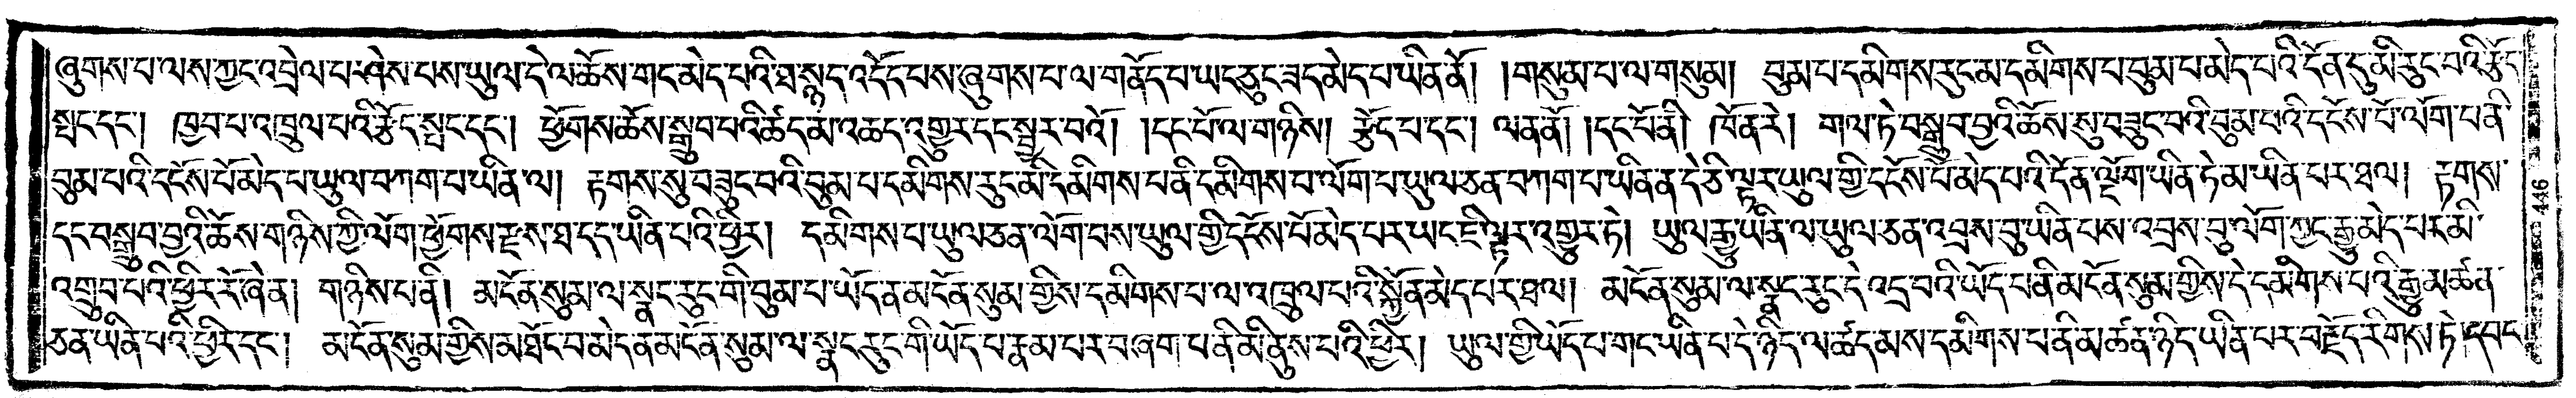ཞུགས་པ་ལས་ཀྱང་འབྲེལ་པ་ཤེས་པས་ཡུལ་དེ་ལ་ཆོས་གང་མེད་པའི་ཐ་སྙད་འདོད་པས་ཞུགས་པ་ལ་གནོད་པ་ཡང་ཅུང་ཟད་མེད་པ་ཡིན་ནོ། །གསུམ་པ་ལ་གསུམ། བུམ་པ་དམིགས་རུང་མ་དམིགས་པ་བུམ་པ་མེད་པའི་དོན་དུ་མི་རུང་བའི་རྩོད་
སྤང་དང་། ཁྱབ་པ་འཁྲུལ་པའི་རྩོད་སྤང་དང་། ཕྱོགས་ཆོས་སྒྲུབ་པའི་ཚད་མ་འཆད་འགྱུར་དང་སྦྱར་བའོ། །དང་པོ་ལ་གཉིས། རྩོད་པ་དང་། ལན་ནོ། །དང་པོ་ནི། ཁོ་ན་རེ། གལ་ཏེ་བསྒྲུབ་བྱའི་ཆོས་སུ་གཟུང་བའི་བུམ་པའི་དངོས་པོ་ལོག་པ་ནི་
བུམ་པའི་དངོས་པོ་མེད་པ་ཡུལ་བཀག་པ་ཡིན་ལ། རྟགས་སུ་བཟུང་བའི་བུམ་པ་དམིགས་རུང་མི་དམིགས་པ་ནི་དམིགས་པ་ལོག་པ་ཡུལ་ཅན་བཀག་པ་ཡིན་ན་དེ་ཅི་ལྟར་ཡུལ་གྱི་དངོས་པོ་མེད་པའི་དོན་ལྡོག་ཡིན་ཏེ་མ་ཡིན་པར་ཐལ། རྟགས་
དང་བསྒྲུབ་བྱའི་ཆོས་གཉིས་ཀྱི་ལོག་ཕྱོགས་རྫས་ཐ་དད་ཡིན་པའི་ཕྱིར། དམིགས་པ་ཡུལ་ཅན་ལོག་པས་ཡུལ་གྱི་དངོས་པོ་མེད་པར་ཡང་ཇི་ལྟར་འགྱུར་ཏེ། ཡུལ་རྒྱུ་ཡིན་ལ་ཡུལ་ཅན་འབྲས་བུ་ཡིན་པས་འབྲས་བུ་ལོག་ཀྱང་རྒྱུ་མེད་པར་མི་
འགྲུབ་པའི་ཕྱིར་རོ་ཞེ་ན། གཉིས་པ་ནི། མངོན་སུམ་ལ་སྣང་རུང་གི་བུམ་པ་ཡོད་ན་མངོན་སུམ་གྱིས་དམིགས་པ་ལ་འཁྲུལ་པའི་སྐྱོན་མེད་པར་ཐལ། མངོན་སུམ་ལ་སྣང་རུང་དེ་འདྲ་བའི་ཡོད་པ་ནི་མངོན་སུམ་གྱིས་དེ་དམིགས་པའི་རྒྱུ་མཚན་
ཅན་ཡིན་པའི་ཕྱིར་དང་། མངོན་སུམ་གྱིས་མཐོང་བ་མེད་ན་མངོན་སུམ་ལ་སྣང་རུང་གི་ཡོད་པ་རྣམ་པར་བཞག་པ་ནི་མི་ནུས་པའི་ཕྱིར། ཡུལ་གྱི་ཡོད་པ་གང་ཡིན་པ་དེ་ཉིད་ལ་ཚད་མས་དམིགས་པ་ནི་མཚན་ཉིད་ཡིན་པར་བརྗོད་རིགས་ཏེ། དབང་